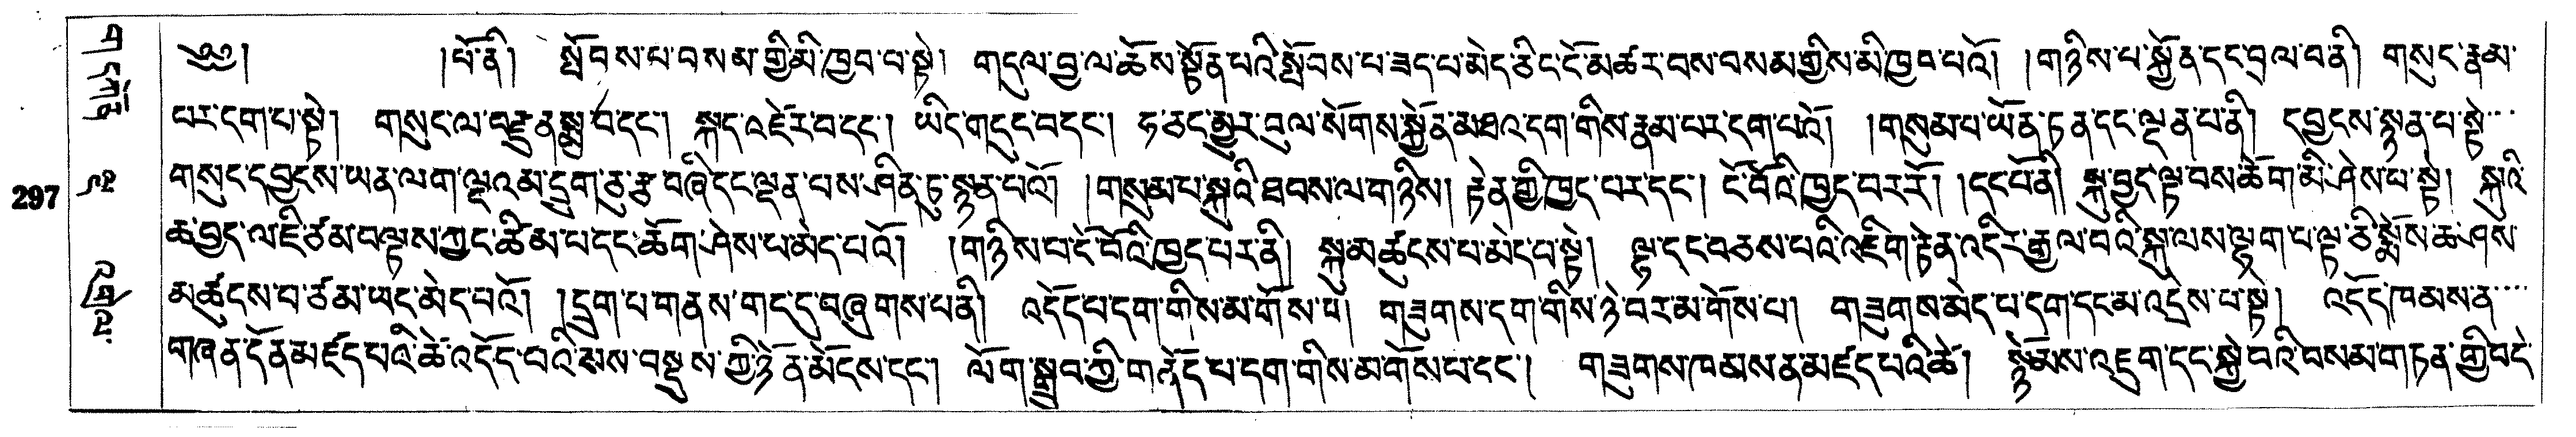༄༅། །པོ་ནི། སྤོབས་པ་བསམ་གྱི་མི་ཁྱབ་པ་སྟེ། གདུལ་བྱ་ལ་ཆོས་སྟོན་པའི་སྤོབས་པ་ཟད་པ་མེད་ཅིང་ངོ་མཚར་བས་བསམ་གྱིས་མི་ཁྱབ་པའོ། །གཉིས་པ་སྐྱོན་དང་བྲལ་བ་ནི། གསུང་རྣམ་
པར་དག་པ་སྟེ། གསུང་ལ་བརྫུན་སྨྲ་བ་དང་། སྐད་འཛེར་བ་དང་། ཡིད་གདུང་བ་དང་། ཧ་ཅང་མྱུར་བུལ་སོགས་སྐྱོན་མཐའ་དག་གིས་རྣམ་པར་དག་པའོ། །གསུམ་པ་ཡོན་ཏན་དང་ལྡན་པ་ནི། དབྱངས་སྙན་པ་སྟེ་
གསུང་དབྱངས་ཡན་ལག་ལྔའམ་དྲུག་ཅུ་རྩ་བཞི་དང་ལྡན་པས་ཤིན་ཏུ་སྙན་པའོ། །གསུམ་པ་སྐུའི་ཐབས་ལ་གཉིས། རྟེན་གྱི་ཁྱད་པར་དང་། ངོ་བོའི་ཁྱད་པར་རོ། །དང་པོ་ནི། སྐུ་བྱད་ལྟ་བས་ཆོག་མི་ཤེས་པ་སྟེ། སྐུའི་
ཆ་བྱད་ལ་ཇི་ཙམ་བལྟས་ཀྱང་ཚིམ་པ་དང་ཆོག་ཤེས་པ་མེད་པའོ། །གཉིས་པ་ངོ་བོའི་ཁྱད་པར་ནི། སྐུ་མཚུངས་པ་མེད་པ་སྟེ། ལྷ་དང་བཅས་པའི་འཇིག་རྟེན་འདིར་རྒྱལ་བའི་སྐུ་ལས་ལྷག་པ་ལྟ་ཅི་སྨོས་ཆ་ཤས་
མཚུངས་པ་ཙམ་ཡང་མེད་པའོ། །དྲུག་པ་གནས་གང་དུ་བཞུགས་པ་ནི། འདོད་པ་དག་གིས་མ་གོས་པ། གཟུགས་དག་གིས་ཉེ་བར་མ་གོས་པ། གཟུགས་མེད་པ་དག་དང་མ་འདྲེས་པ་སྟེ། འདོད་ཁམས་ན་
གཞན་དོན་མཛད་པའི་ཚེ་འདོད་པའི་སས་བསྡུས་ཀྱི་ཉོན་མོངས་དང་། ལོག་སྒྲུབ་ཀྱི་གནོད་པ་དག་གིས་མ་གོས་པ་དང་། གཟུགས་ཁམས་ན་མཛད་པའི་ཚེ། སྙོམས་འཇུག་དང་སྐྱེ་བའི་བསམ་གཏན་གྱི་བདེ་